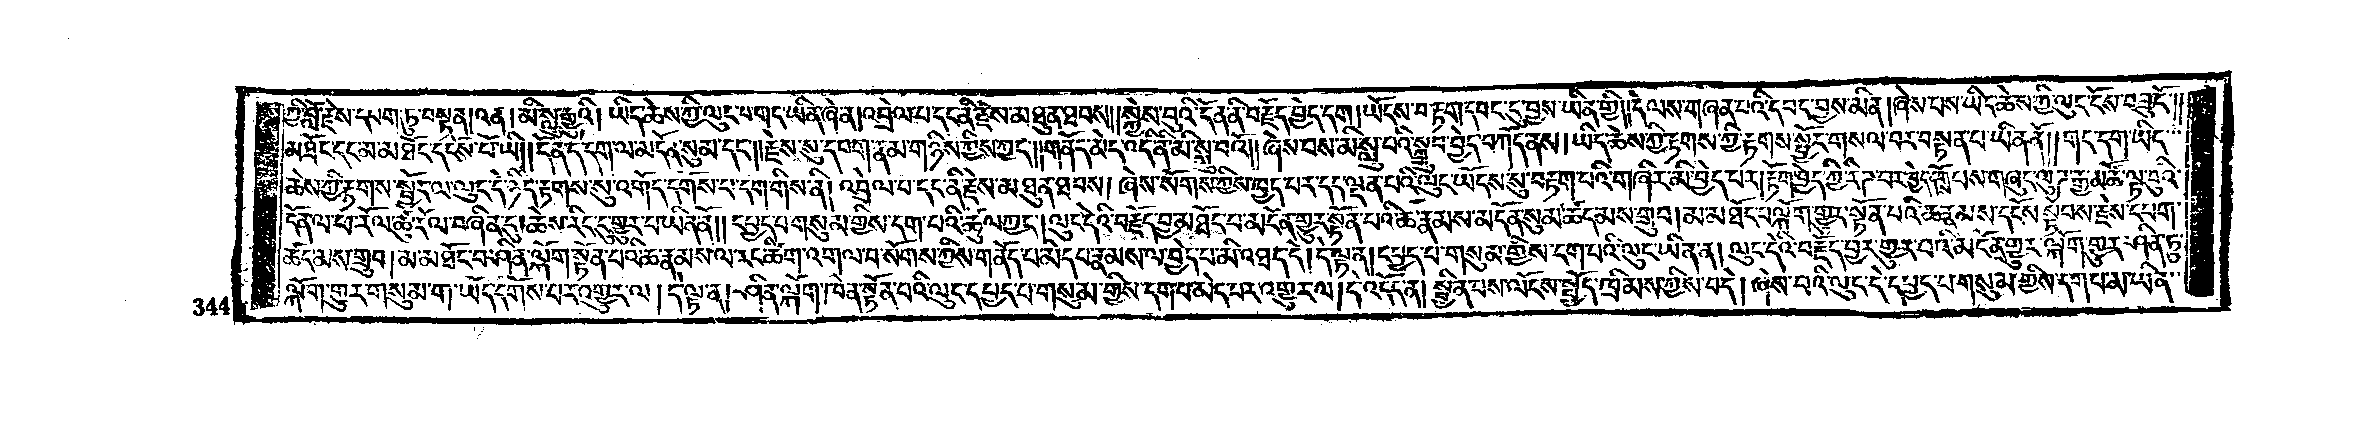ཀྱི་བློ་རྗེས་དཔག་ཏུ་བསྟན། འོ་ན། མི་སླུ་རྒྱུའི། ཡིད་ཆེས་ཀྱི་ལུང་དེ་གང་ཡིན་ཞེ་ན། འབྲེལ་པ་དང་ནི་རྗེས་མཐུན་ཐབས། །སྐྱེས་བུའི་དོན་ནི་བརྗོད་བྱེད་དག །ཡོངས་བརྟག་དབང་དུ་བྱས་ཡིན་གྱི། །དེ་ལས་གཞན་པའི་དབང་བྱས་མིན། ཞེས་པས་ཡིད་ཆེས་ཀྱི་ལུང་ངོས་བཟུང་ངོ། །
མཐོང་དང་མ་མཐོང་དངོས་པོ་ཡི། །དོན་དེ་དག་ལ་མངོན་སུམ་དང་། །རྗེས་སུ་དཔག་རྣམ་གཉིས་ཀྱིས་ཀྱང་། །གནོད་མེད་འདི་ནི་མི་སླུ་བའོ། །ཞེས་པས་མི་སླུ་པའི་སྒྲུབ་བྱེད་བཀོད་ནས། ཡིད་ཆེས་ཀྱི་རྟགས་ཀྱི་རྟགས་སྦྱོར་གསལ་བར་བསྟན་པ་ཡིན་ནོ། །གང་དག་ཡིད་
ཆེས་ཀྱི་རྟགས་སྦྱོར་ལ་ལུང་དེ་ཉིད་རྟགས་སུ་འགོད་དགོས་པ་དག་གིས་ནི། འབྲེལ་པ་དང་ནི་རྗེས་མཐུན་ཐབས། ཞེས་སོགས་ཀྱིས་ཁྱད་པར་དང་ལྡན་པའི་ལུང་ཡོངས་སུ་བརྟག་པའི་གཞིར་མི་བྱེད་པར། རྟོག་བྱེད་ཀྱི་རིགས་?་པར་བྱེད་དགོས་པས་གཞུང་ལུགས་རྒྱ་མཚོ་ལྟ་བུའི་
དོན་ལ་ཕ་རོལ་ཚུ་རོལ་བཞིན་དུ། ཆེས་རིང་དུ་གྱུར་པ་ཡིན་ནོ། །དཔྱད་པ་གསུམ་གྱིས་དག་པའི་ཚུལ་ཀྱང་། ལུང་དེའི་བརྗོད་བྱ་མཐོང་པ་མངོན་གྱུར་སྟོན་པའི་ཆ་རྣམས་མངོན་སུམ་ཚད་མས་གྲུབ། མ་མཐོང་པ་ལྐོག་གྱུར་སྟོན་པའི་ཆ་རྣམས་དངོས་སྟོབས་རྗེས་དཔག་
ཚད་མས་གྲུབ། མ་མཐོང་བ་ཤིན་ལྐོག་སྟོན་པའི་ཆ་རྣམས་ལ་རང་ཚིག་འགལ་བ་སོགས་ཀྱིས་གནོད་པ་མེད་པ་རྣམས་ལ་བྱེད་པ་མི་འཐད་དེ། དེ་ལྟ་ན། དཔྱད་པ་གསུམ་གྱིས་དག་པའི་ལུང་ཡིན་ན། ལུང་དེའི་བརྗོད་བྱར་གྱུར་པའི་མངོན་གྱུར་ལྐོག་གྱུར་ཤིན་ཏུ་
ལྐོག་གྱུར་གསུམ་ག་ཡོད་དགོས་པར་འགྱུར་ལ། དེ་ལྟ་ན། ཤིན་ལྐོག་ཁོ་ན་སྟོན་པའི་ལུང་དཔྱད་པ་གསུམ་གྱིས་དག་པ་མེད་པར་འགྱུར་ལ། དེ་འདོད་ན། སྦྱིན་པས་ལོངས་སྤྱོད་ཁྲིམས་ཀྱིས་བདེ། ཞེས་པའི་ལུང་དེ་དཔྱད་པ་གསུམ་གྱིས་དག་པ་མ་ཡིན་